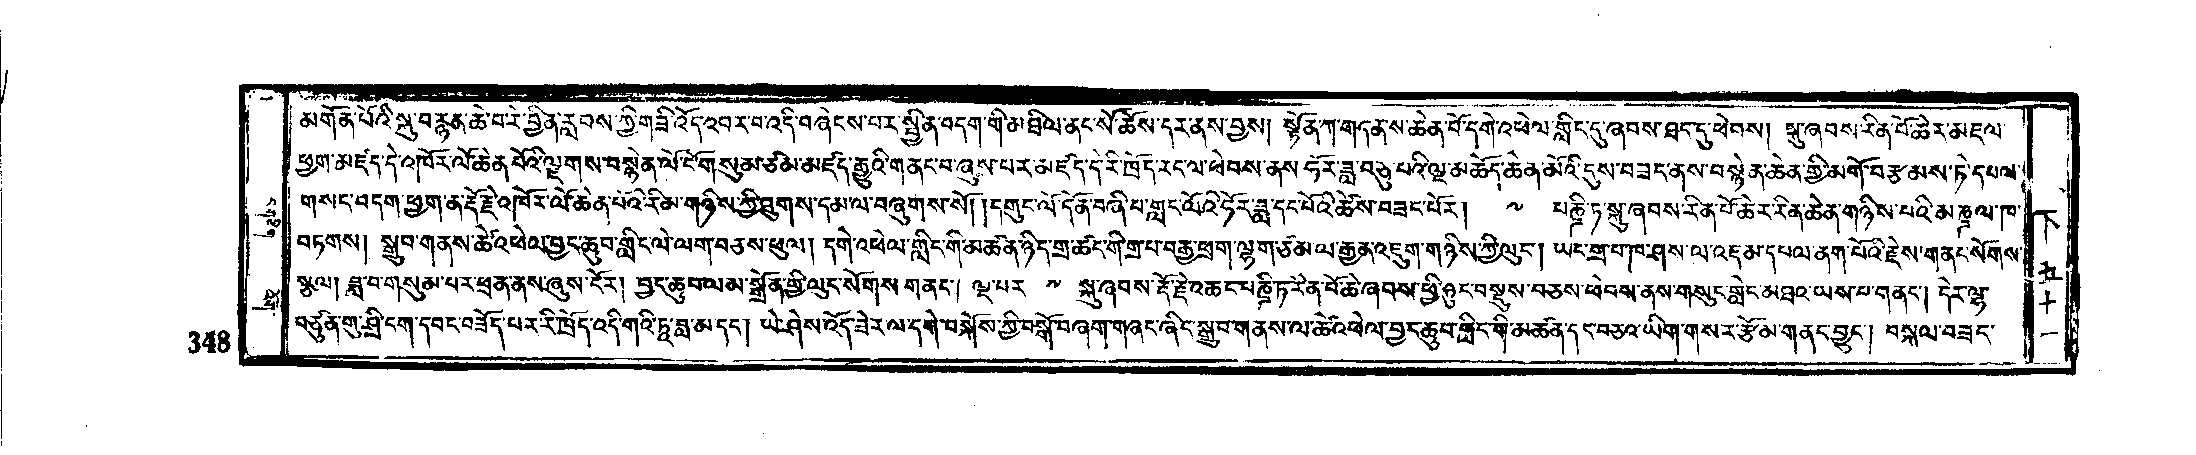མགོན་པོའི་སྐུ་བརྙན་ཆེ་བ་རེ་བྱིན་རླབས་ཀྱི་གཟི་འོད་འབར་བ་འདི་བཞེངས་པར་སྦྱིན་བདག་གི་མཐིལ་ནང་སོ་ཆོས་དར་ནས་བྱས། སྟོན་ཀ་གདན་ས་ཆེན་པོ་དགེ་འཕེལ་གླིང་དུ་ཞབས་ཐང་དུ་ཕེབས། སྐུ་ཞབས་རིན་པོ་ཆེར་མཇལ་
ཕྱག་མཛད་དེ་འཁོར་ལོ་ཆེན་པོའི་ལྗགས་བསྙེན་ལོ་ངོ་གསུམ་ཙམ་མཛད་རྒྱུའི་གནང་བ་ཞུས་པར་མཛད་དེ་རི་ཁྲོད་རང་ལ་ཕེབས་ནས་ཧོར་ཟླ་བཅུ་པའི་ལྔ་མཆོད་ཆེན་མོའི་དུས་བཟང་ནས་བསྙེན་ཆེན་གྱི་མགོ་བརྩམས་ཏེ་དཔལ་
གསང་བདག་ཕྱག་ན་རྡོ་རྗེ་འཁོར་ལོ་ཆེན་པོའི་རིམ་གཉིས་ཀྱི་ཐུགས་དམ་ལ་བཞུགས་སོ། །དགུང་ལོ་དོན་བཞི་པ་གླང་ལོའི་ཧོར་ཟླ་དང་པོའི་ཚེས་བཟང་པོར། ༧་པཎྜི་ཏ་སྐུ་ཞབས་རིན་པོ་ཆེར་རིན་ཆེན་གཉིས་པའི་མཎྜལ་ཁ་
བཏགས། སྒྲུབ་གནས་ཚེ་འཕེལ་བྱང་ཆུབ་གླིང་ལེ་ལག་བཅས་ཕུལ། དགེ་འཕེལ་གླིང་གི་མཚན་ཉིད་གྲ་ཚང་གི་གྲ་པ་བརྒྱ་ཕྲག་ལྷག་ཙམ་ལ་རྒྱན་འཇུག་གཉིས་ཀྱི་ལུང་། ཡང་གྲ་པ་ཁ་ཤས་ལ་འཇམ་དཔལ་ནག་པོའི་རྗེས་གནང་སོགས་
སྩལ། ཟླ་བ་གསུམ་པར་ཕྲན་ནས་ཞུས་ངོར། བྱང་ཆུབ་ལམ་སྒྲོན་གྱི་ལུང་སོགས་གནང་། ལྔ་པར ༧་སྐུ་ཞབས་རྡོ་རྗེ་འཆང་པཎྜི་ཏ་རིན་པོ་ཆེ་ཞབས་ཕྱི་ཉུང་བསྡུས་བཅས་ཕེབས་ནས་གསུང་གླེང་མཐའ་ཡས་པ་གནང་། དེར་ལྷ་
བཙུན་གུ་ཤྲི་ངག་དབང་བཟོད་པར་རི་ཁྲོད་འདི་གའི་ཏཱ་བླ་མ་དང་། ཡེ་ཤེས་འོད་ཟེར་ལ་དགེ་བསྐོས་ཀྱི་བསྒོ་བཞག་གཞང་ཞིང་སྒྲུབ་གནས་ལ་ཚེ་འཕེལ་བྱང་ཆུབ་གླིང་གི་མཚན་དང་བཅའ་ཡིག་གསར་རྩོམ་གནང་བྱུང་། བསྐལ་བཟང་